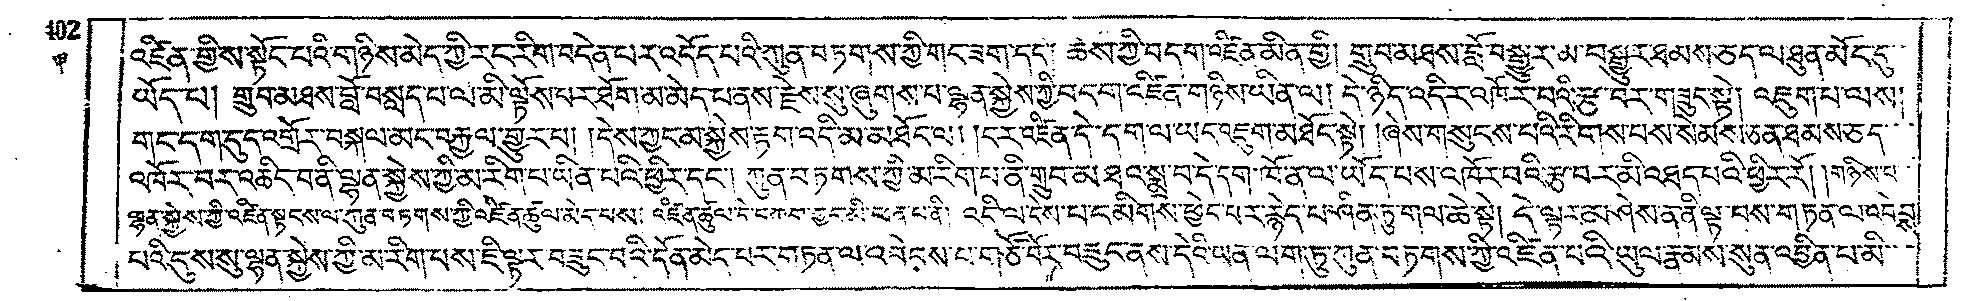འཛིན་གྱིས་སྟོང་པའི་གཉིས་མེད་ཀྱི་རང་རིག་བདེན་པར་འདོད་པའི་ཀུན་བཏགས་ཀྱི་གང་ཟག་དང་། ཆོས་ཀྱི་བདག་འཛིན་མིན་གྱི། གྲུབ་མཐས་བློ་བསྒྱུར་མ་བསྒྱུར་ཐམས་ཅད་ལ་ཐུན་མོང་དུ་
ཡོད་པ། གྲུབ་མཐས་བློ་བསླད་པ་ལ་མི་ལྟོས་པར་ཐོག་མ་མེད་པ་ནས་རྗེས་སུ་ཞུགས་པ་ལྷན་སྐྱེས་ཀྱི་བདག་འཛིན་གཉིས་ཡིན་ལ། དེ་ཉིད་འདིར་འཁོར་བའི་རྩ་བར་གཟུང་སྟེ། འཇུག་པ་ལས།
གང་དག་དུད་འགྲོར་བསྐལ་མང་བརྐྱལ་གྱུར་པ། །དེས་ཀྱང་མ་སྐྱེས་རྟག་འདི་མ་མཐོང་ལ། །ངར་འཛིན་དེ་དག་ལ་ཡང་འཇུག་མཐོང་སྟེ། །ཞེས་གསུངས་པའི་རིགས་པས་སེམས་ཅན་ཐམས་ཅད་
འཁོར་བར་འཆིང་བ་ནི་ལྷན་སྐྱེས་ཀྱི་མ་རིག་པ་ཡིན་པའི་ཕྱིར་དང་། ཀུན་བཏགས་ཀྱི་མ་རིག་པ་ནི་གྲུབ་མཐའ་སྨྲ་བ་དེ་དག་ཁོ་ན་ལ་ཡོད་པས་འཁོར་བའི་རྩ་བར་མི་འཐད་པའི་ཕྱིར་རོ། །ཉིས་པ
ལྷན་སྐྱེས་ཀྱི་འཛིན་སྟངས་ལ་ཀུན་བཏགས་ཀྱི་འཛིན་ཚུལ་མེད་པས། འཛིན་ཚུལ་དེ་བཀག་ཀྱང་མི་ཕན་པ་ནི།  འདི་ལ་ངེས་པ་དམིགས་ཕྱེད་པར་རྙེད་པ་ཤིན་ཏུ་གལ་ཆེ་སྟེ། དེ་ལྟར་མ་ཤེས་ན་ནི་ལྟ་བས་གཏན་ལ་འབེབས་
པའི་དུས་སུ་ལྷན་སྐྱེས་ཀྱི་མ་རིག་པས་ཇི་ལྟར་བཟུང་བའི་དོན་མེད་པར་གཏན་ལ་འབེབས་པ་གཙོ་བོར་བཟུང་ནས་དེའི་ཡན་ལག་ཏུ་ཀུན་བཏགས་ཀྱི་འཛིན་པའི་ཡུལ་རྣམས་སུན་འབྱིན་པ་མི་